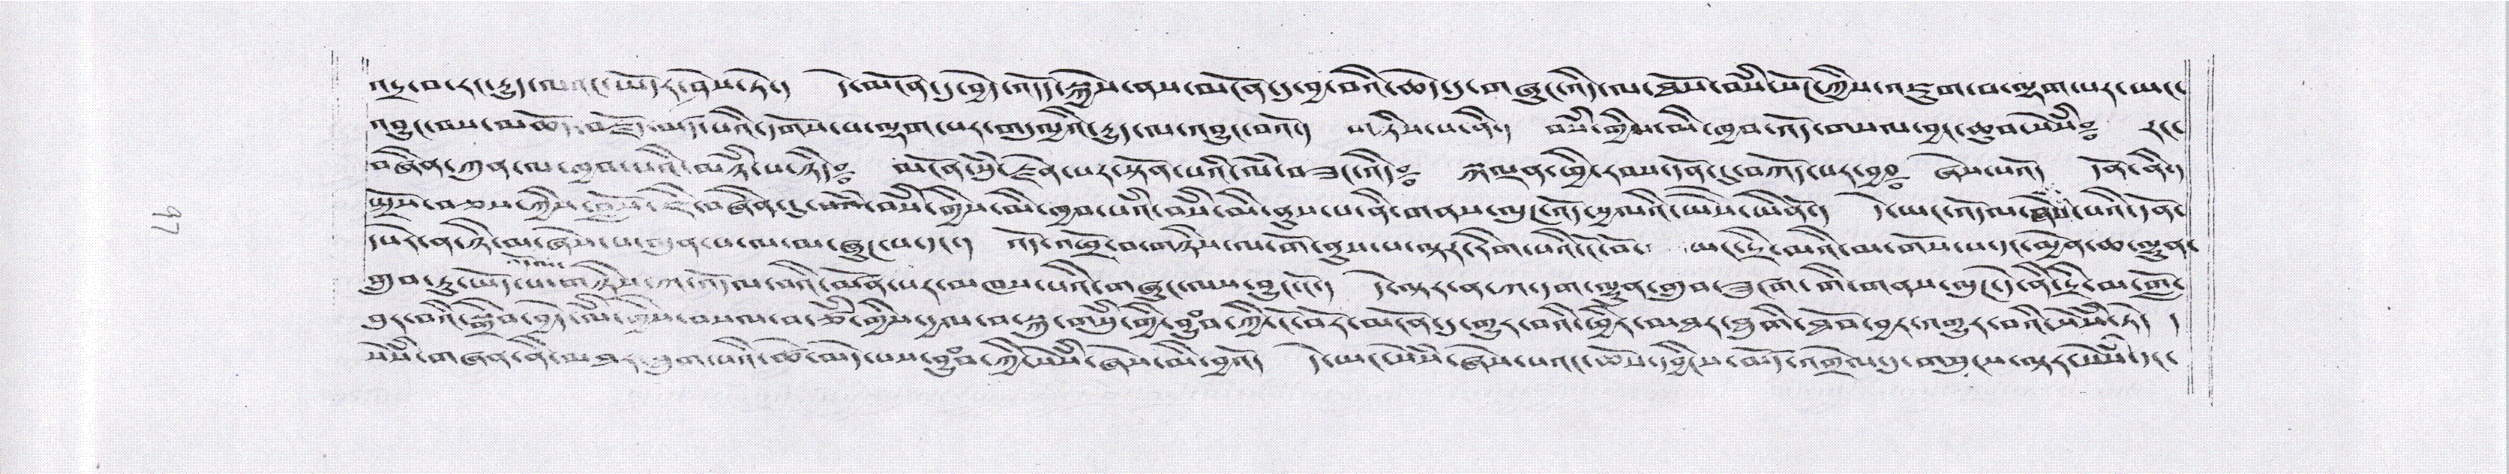འདྲ་བའང་རང་རྒྱུད་ལ་ཡོད་པར་ཤེས་ཏེ། དེ་མངོན་དུ་བྱེད་འདོད་སྐྱེས་ནས་མངོན་དུ་བྱ་བའི་ཆེད་དུ་གཞུང་འདི་ལ་ཐོས་བསམ་སོགས་ཀྱིས་འཇུག་པ་ལྷག་པར་ཡང་
འབྱུང་བས་མཆོད་བརྗོད་མཛད་པའི་དགོས་པ་ལྷག་པར་གདུལ་བྱའི་རྒྱུད་ལ་འབྱུང་བའོ། གཉིས་པ་ནི། བསམ་གྱིས་མི་ཁྱབ་འོད་གསལ་བྱང་ཆུབ་སེམསཿ རང་
བཞིན་ཀུན་ལ་ཁྱབ་པའི་མཉམ་པ་ཉིདཿ མངོན་སུམ་རྗེན་པར་སྟོན་པའི་ལམ་བཟང་འདིཿ སྐལ་ལྡན་ཕྱི་རབས་དོན་དུ་བཀོད་པར་བྱཿ ཞེས་པའོ། དོན་ནི། 
སྤྲོས་བཅས་ཀྱི་བློས་ཇི་བཞིན་དུ་བསམ་གྱིས་མི་ཁྱབ་པའམ་བསམ་མི་ནུས་པ་ནི་གནས་ལུགས་འོད་གསལ་གྱི་ཡེ་ཤེས་ཡིན་ནོ། དེ་ཡང་འོད་གསལ་ཞེས་པའི་དོན་
དཔེར་ན་ཉི་མ་ཞེས་པ་མུན་པ་ལ་མ་ཞུགས་པ་དང་། འོད་འཕྲོ་བ་གཉིས་ལ་གོ་ནུས་པ་ལྟར་རིག་པའི་ངོ་བོ་ཡང་དྲི་མས་མ་གོས་པ་དང་མཁྱེན་ཆ་ལྷུན་
གྲུབ་ཡོད་པ་གཉིས་ཀ་ལ་འོད་གསལ་བའི་མཚོན་པར་མཁས་པའི་གཞུང་ལས་བྱུང་ངོ་། དེ་ལྟར་ན་ཀ་དག་ལྷུན་གྲུབ་ཟུང་འཇུག་གི་གནས་ལུགས་དེ་ནི་དྲི་མ་གློ་
བུར་བའི་སྒྲིབ་བྱེད་ལམ་གྱིས་བསལ་བ་ཙམ་གྱིས་རྒྱལ་བ་སྐུ་གསུམ་གྱི་བྱང་ཆུབ་ཀྱི་ངོ་བོར་མངོན་དུ་གྱུར་པའི་ཕྱིར་མཐར་ཐུག་གི་ཐོབ་བྱར་འགྱུར་བའི་སེམས་ཏེ། 
སེམས་གཞན་ནི་མཐར་ཐུག་པའི་ཚེ་མེད་པས་བྱང་ཆུབ་ཀྱི་སེམས་ཞེས་མི་བྱའོ། དེ་ཡང་སེམས་ཞེས་པའང་ཆོས་དབྱིངས་མཛོད་འགྲེལ་དུ་གསུངས་པ་ལྟར་སེམས་དང་